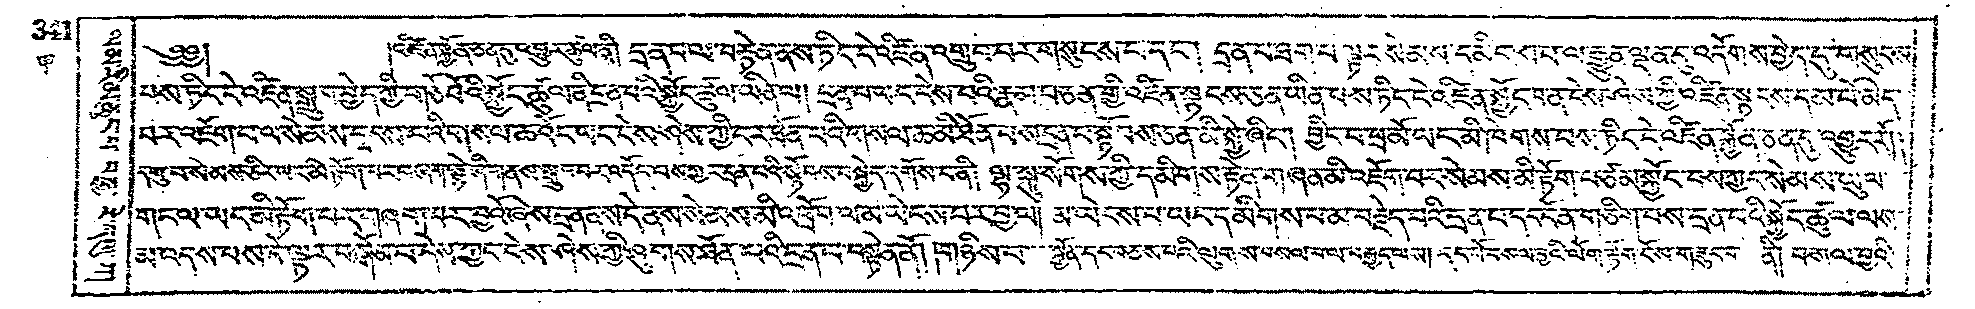༄༅། །འཛིན་སྐྱོན་ཅན་དུ་འགྱུར་ཚུལ་ནི།  དྲན་པ་ལ་བརྟེན་ནས་ཏིང་ངེ་འཛིན་འགྲུབ་པར་གསུངས་པ་དང་། དྲན་པ་ཐག་པ་ལྟར་སེམས་དམིགས་པ་ལ་རྒྱུན་ལྡན་དུ་འདོགས་བྱེད་དུ་གསུངས་
པས་ཏིང་ངེ་འཛིན་སྒྲུབ་བྱེད་ཀྱི་གཙོ་བོའི་སྐྱོང་ཚུལ་ནི་དྲན་པའི་སྐྱོང་ཚུལ་ཡིན་ལ། དྲན་པ་ཡང་ངེས་པའི་རྣམ་པ་ཅན་གྱི་འཛིན་སྟངས་ཅན་ཡིན་པས་ཏིང་ངེ་འཛིན་སྐྱོང་བ་ན་ངེས་ཤེས་ཀྱི་འཛིན་སྟངས་དམ་པོ་མེད་
པར་འཇོག་པ་ལ་སེམས་དྭངས་པའི་གསལ་ཆ་འོང་ཡང་ངེས་ཤེས་ཀྱི་ངར་ཐོན་པའི་གསལ་ཆ་མི་ཐོན་པས་དྲན་པ་སྟོབས་ཅན་མི་སྐྱེ་ཞིང་། བྱིང་བ་ཕྲ་མོ་ཡང་མི་ཁེགས་པས་ཏིང་ངེ་འཛིན་སྐྱོན་ཅན་དུ་འགྱུར་རོ། །
དགུ་པ་སེམས་ཅིར་ཡང་མི་རྟོག་པར་བཞག་སྟེ་ཞི་གནས་སྒྲུབ་པར་འདོད་པས་ཀྱང་དྲན་པའི་སྟོབས་བསྐྱེད་དགོས་པ་ནི།  ལྷ་སྐུ་སོགས་ཀྱི་དམིགས་རྟེན་གཞན་མི་འཇོག་པར་སེམས་མི་རྟོག་པ་ཙམ་སྐྱོང་བས་ཀྱང་སེམས་ཡུལ་
གང་ལ་ཡང་མི་རྟོག་པར་གཞག་པར་བྱའོ་ཞེས་དྲན་ནས་དེ་ནས་སེམས་མི་འཕྲོ་བ་ལམ་ཡེངས་པར་བྱ་ལ། མ་ཡེངས་པ་ཡང་དམིགས་པ་མ་བརྗེད་པའི་དྲན་པ་དང་དོན་གཅིག་པས་དྲན་པའི་སྐྱོང་ཚུལ་ལས་
མ་འདས་པས་དེ་ལྟར་བསྒོམ་པ་དེས་ཀྱང་ངེས་ཤེས་ཀྱི་ཤུགས་ཐོན་པའི་དྲན་པ་བསྟེན་ནོ། །གཉིས་པསྐྱོན་དང་བཅས་པའི་ལུགས་བསལ་བ་ལ་བརྒྱད་ལས། དང་པོ་བསལ་བྱའི་ལོག་རྟོག་ངོས་གཟུང་བནི། བསལ་བྱའི་